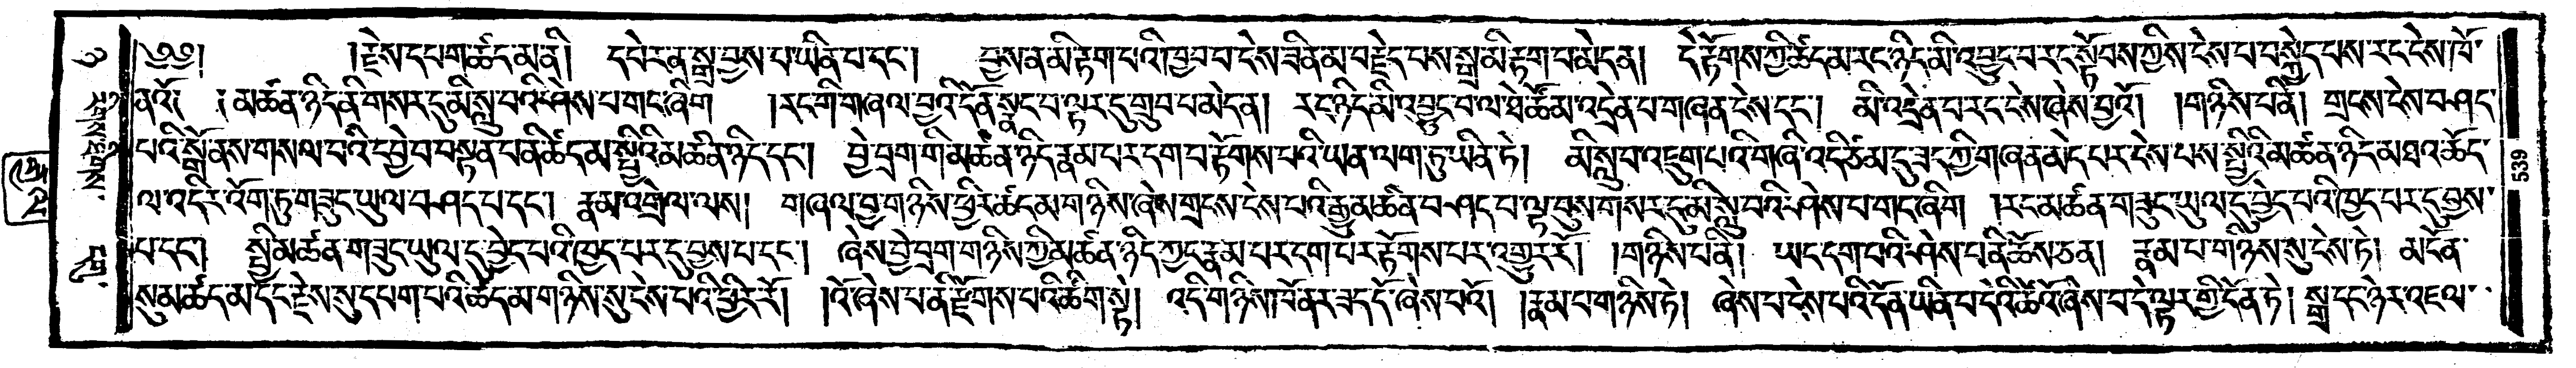༄༅། །རྗེས་དཔག་ཚད་མ་ནི། དཔེར་ན་སྒྲ་བྱས་པ་ཡིན་པ་དང་། བྱས་ན་མི་རྟག་པའི་ཁྱབ་པ་ངེས་ཟིན་མ་བརྗེད་པས་སྒྲ་མི་རྟག་པ་མེད་ན། དེ་རྟོགས་ཀྱི་ཚད་མ་རང་ཉིད་མི་འབྱུང་བ་རང་སྟོབས་ཀྱིས་ངེས་པ་བསྐྱེད་པས་རང་ངེས་ཁོ་
ནའོ༑ ༑མཚན་ཉིད་ནི་གསར་དུ་མི་སླུ་བའི་ཤེས་པ་གང་ཞིག །རང་གི་གཞལ་བྱའི་དོན་སྣང་བ་ལྟར་དུ་གྲུབ་པ་མེད་ན། རང་ཉིད་མི་འབྱུང་བ་ལ་ཐེ་ཚོམ་འདྲེན་པ་གཞན་ངེས་དང་། མི་འདྲེན་པ་རང་ངེས་ཞེས་བྱའོ། །གཉིས་པ་ནི། གྲངས་ངེས་བཤད་
པའི་སྒོ་ནས་གསལ་བའི་དབྱེ་བ་བསྟན་པ་ནི་ཚད་མ་སྤྱིའི་མཚན་ཉིད་དང་། བྱེ་བྲག་གི་མཚན་ཉིད་རྣམ་པར་དག་པ་རྟོགས་པའི་ཡན་ལག་ཏུ་ཡིན་ཏེ། མི་སླུ་བ་འཇུག་པའི་གཞི་འདི་ཙམ་དུ་ཟད་ཀྱི་གཞན་མེད་པར་ངེས་པས་སྤྱིའི་མཚན་ཉིད་མཐའ་ཆོད་
ལ་འདིར་འོག་ཏུ་གཟུང་ཡུལ་བཤད་པ་དང་། རྣམ་འགྲེལ་ལས། གཞལ་བྱ་གཉིས་ཕྱིར་ཚད་མ་གཉིས་ཞེས་གྲངས་ངེས་པའི་རྒྱུ་མཚན་བཤད་པ་ལྟ་བུས་གསར་དུ་མི་སླུ་བའི་ཤེས་པ་གང་ཞིག །རང་མཚན་གཟུང་ཡུལ་དུ་བྱེད་པའི་ཁྱད་པར་དུ་བྱས་
པ་དང་། སྤྱི་མཚན་གཟུང་ཡུལ་དུ་བྱེད་པའི་ཁྱད་པར་དུ་བྱས་པ་དང་། ཞེས་བྱེ་བྲག་གཉིས་ཀྱི་མཚན་ཉིད་ཀྱང་རྣམ་པར་དག་པར་རྟོགས་པར་འགྱུར་རོ། །གཉིས་པ་ནི། ཡང་དག་པའི་ཤེས་པ་ནི་ཆོས་ཅན། རྣམ་པ་གཉིས་སུ་ངེས་ཏེ། མངོན་
སུམ་ཚད་མ་དང་རྗེས་སུ་དཔག་པའི་ཚད་མ་གཉིས་སུ་ངེས་པའི་ཕྱིར་རོ། །འོ་ཞེས་པ་ནི་རྫོགས་པའི་ཚིག་སྟེ། འདི་གཉིས་ཁོ་ནར་ཟད་དོ་ཞེས་པའོ། །རྣམ་པ་གཉིས་ཏེ། ཞེས་པ་ངེས་པའི་དོན་ཡིན་པ་དེའི་ཚེའོ་ཞེས་བ་དེ་ལྟར་གྱི་དོན་ཏེ། སྒྲ་དང་ཉེར་འཇལ་